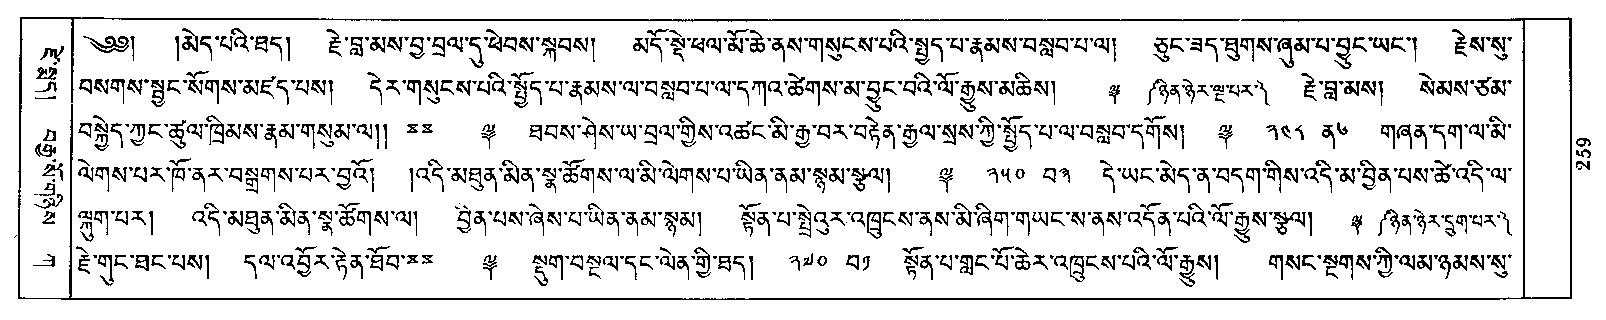༄༅། །མེད་པའི་ཐད། རྗེ་བླ་མས་བྱ་བྲལ་དུ་ཕེབས་སྐབས། མདོ་སྡེ་ཕལ་མོ་ཆེ་ནས་གསུངས་པའི་སྤྱད་པ་རྣམས་བསླབ་པ་ལ། ཅུང་ཟད་ཐུགས་ཞུམ་པ་བྱུང་ཡང་། རྗེས་སུ་
བསགས་སྦྱང་སོགས་མཛད་པས། དེར་གསུངས་པའི་སྤྱོད་པ་རྣམས་ལ་བསླབ་པ་ལ་དཀའ་ཚེགས་མ་བྱུང་བའི་ལོ་རྒྱུས་མཆིས། ༈ ཉིན་ཉེར་ལྔ་པར྄་རྗེ་བླ་མས། སེམས་ཙམ་
བསྐྱེད་ཀྱང་ཚུལ་ཁྲིམས་རྣམ་གསུམ་ལ།། ྾྾་༈ ཐབས་ཤེས་ཡ་བྲལ་གྱིས་འཚང་མི་རྒྱ་བར་བརྟེན་རྒྱལ་སྲས་ཀྱི་སྤྱོད་པ་ལ་བསླབ་དགོས། ༈ ༢༤༨་ན ༦་གཞན་དག་ལ་མི་
ལེགས་པར་ཁོ་ནར་བསྒྲགས་པར་བྱའོ། །འདི་མཐུན་མིན་སྣ་ཚོགས་ལ་མི་ལེགས་པ་ཡིན་ནམ་སྙམ་སྩལ། ༈ ༢༥༠་བ ༣་དེ་ཡང་མེད་ན་བདག་གིས་འདི་མ་བྱིན་པས་ཚེ་འདི་ལ་
ལྐུག་པར། འདི་མཐུན་མིན་སྣ་ཚོགས་ལ། བྱིན་པས་ཞེས་པ་ཡིན་ནམ་སྙམ། སྟོན་པ་སྤྲེའུར་འཁྲུངས་ནས་མི་ཞིག་གཡང་ས་ནས་འདོན་པའི་ལོ་རྒྱུས་སྩལ། ༈ ཉིན་ཉེར་དྲུག་པར྄
རྗེ་གུང་ཐང་པས། དལ་འབྱོར་རྟེན་ཐོབ་྾྾་༈ སྡུག་བསྔལ་དང་ལེན་གྱི་ཐད། ༢༧༠་བ ༡་སྟོན་པ་གླང་པོ་ཆེར་འཁྲུངས་པའི་ལོ་རྒྱུས། གསང་སྔགས་ཀྱི་ལམ་ཉམས་སུ་